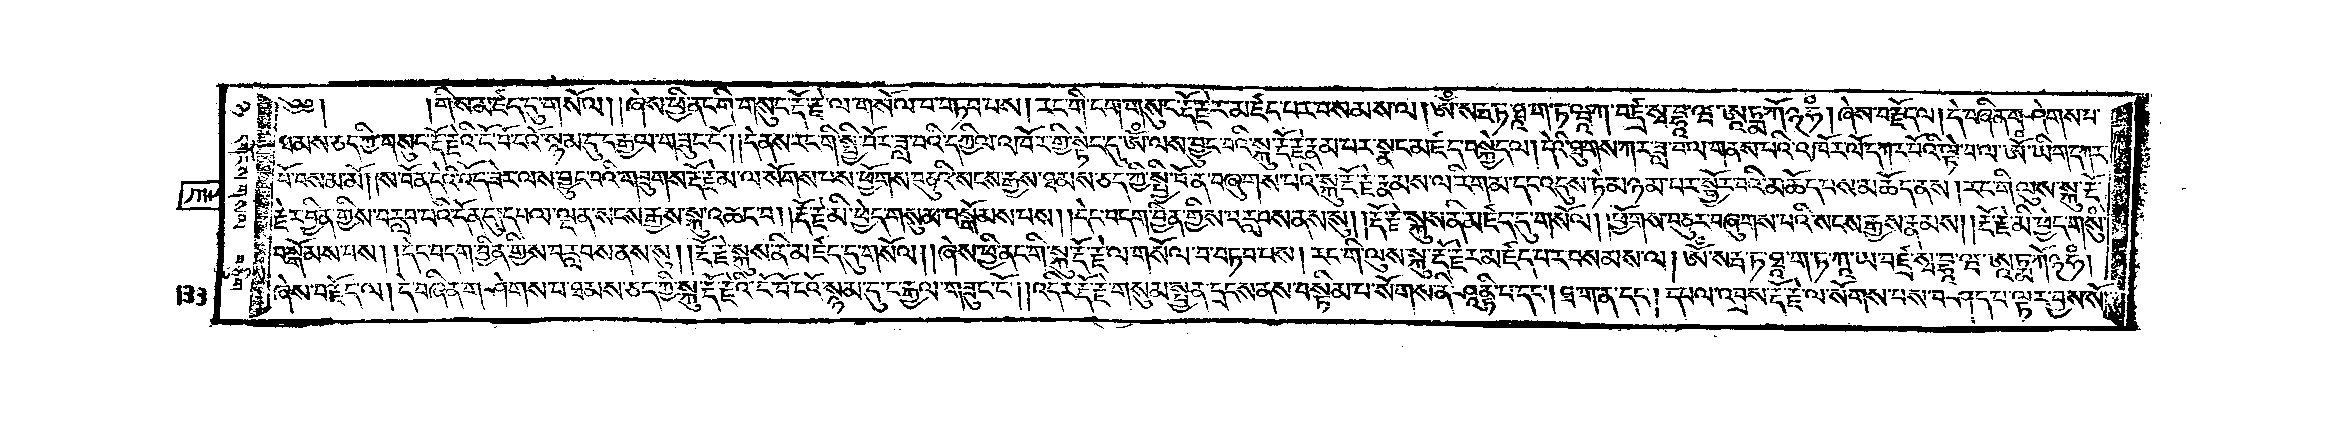༄༅། །གིས་མཛད་དུ་གསོལ། །ཞེས་ཕྱི་ནང་གི་གསུང་རྡོ་རྗེ་ལ་གསོལ་བ་བཏབ་པས། རང་གི་ངག་གསུང་རྡོ་རྗེར་མཛད་པར་བསམས་ལ། ཨོཾ་སརྦ་ཏ་ཐཱ་ག་ཏ་ཝཱ་ཀ་བཛྲ་སྭ་བྷཱ་ཝ་ཨཱ་ཏྨ་ཀོཉ་ཧཾ། ཞེས་བརྗོད་ལ། དེ་བཞིན་གཤེགས་པ་
ཐམས་ཅད་ཀྱི་གསུང་རྡོ་རྗེའི་ངོ་བོ་ངའོ་སྙམ་དུ་ང་རྒྱལ་གཟུང་ངོ། །དེ་ནས་རང་གི་སྤྱི་བོར་ཟླ་བའི་དཀྱིལ་འཁོར་གྱི་སྟེང་དུ་ཨོཾ་ལས་བྱུང་བའི་སྐུ་རྡོ་རྗེ་རྣམ་པར་སྣང་མཛད་བསྐྱེད་ལ། དེའི་ཐུགས་ཀར་ཟླ་བ་ལ་གནས་པའི་འཁོར་ལོ་དཀར་པོའི་ལྟེ་བ་ལ་ཨོཾ་ཡིག་དཀར་
པོ་བསམ་མོ། །ས་བོན་དེའི་འོད་ཟེར་ལས་བྱུང་བའི་གཟུགས་རྡོ་རྗེ་མ་ལ་སོགས་པས་ཕྱོགས་བཅུའི་སངས་རྒྱས་ཐམས་ཅད་ཀྱི་སྤྱི་བོ་ན་བཞུགས་པའི་སྐུ་རྡོ་རྗེ་རྣམས་ལ་རིག་མ་དང་འདུས་ཏེ་མཉམ་པར་སྦྱོར་བའི་མཆོད་པས་མཆོད་ནས། རང་གི་ལུས་སྐུ་རྡོ་
རྗེར་བྱིན་གྱིས་བརླབ་པའི་དོན་དུ། དཔལ་ལྡན་སངས་རྒྱས་སྐུ་འཆང་བ། །རྡོ་རྗེ་མི་ཕྱེད་གསུམ་བསྒོམས་པས། །དེང་བདག་བྱིན་གྱིས་བརླབས་ནས་སུ། །རྡོ་རྗེ་སྐུས་ནི་མཛད་དུ་གསོལ། །ཕྱོགས་བཅུར་བཞུགས་པའི་སངས་རྒྱས་རྣམས། །རྡོ་རྗེ་མི་ཕྱེད་གསུམ་
བསྒོམས་པས། །དེང་བདག་བྱིན་གྱིས་བརླབས་ནས་སུ། །རྡོ་རྗེ་སྐུས་ནི་མཛད་དུ་གསོལ། །ཞེས་ཕྱི་ནང་གི་སྐུ་རྡོ་རྗེ་ལ་གསོལ་བ་བཏབ་པས། རང་གི་ལུས་སྐུ་རྡོ་རྗེར་མཛད་པར་བསམས་ལ། ཨོཾ་ཧཾ།
ཞེས་བརྗོད་ལ། དེ་བཞིན་གཤེགས་པ་ཐམས་ཅད་ཀྱི་སྐུ་རྡོ་རྗེའི་ངོ་བོ་ངའོ་སྙམ་དུ་ང་རྒྱལ་གཟུང་ངོ། །འདིར་རྡོ་རྗེ་གསུམ་སྤྱན་དྲངས་ནས་བསྟིམ་པ་སོགས་ནི་ཤཱནྟི་པ་དང་། ཐ་ག་ན་དང་། དཔལ་འབྲས་རྡོ་རྗེ་ལ་སོགས་པས་བཤད་པ་ལྟར་བྱས་སོ། །